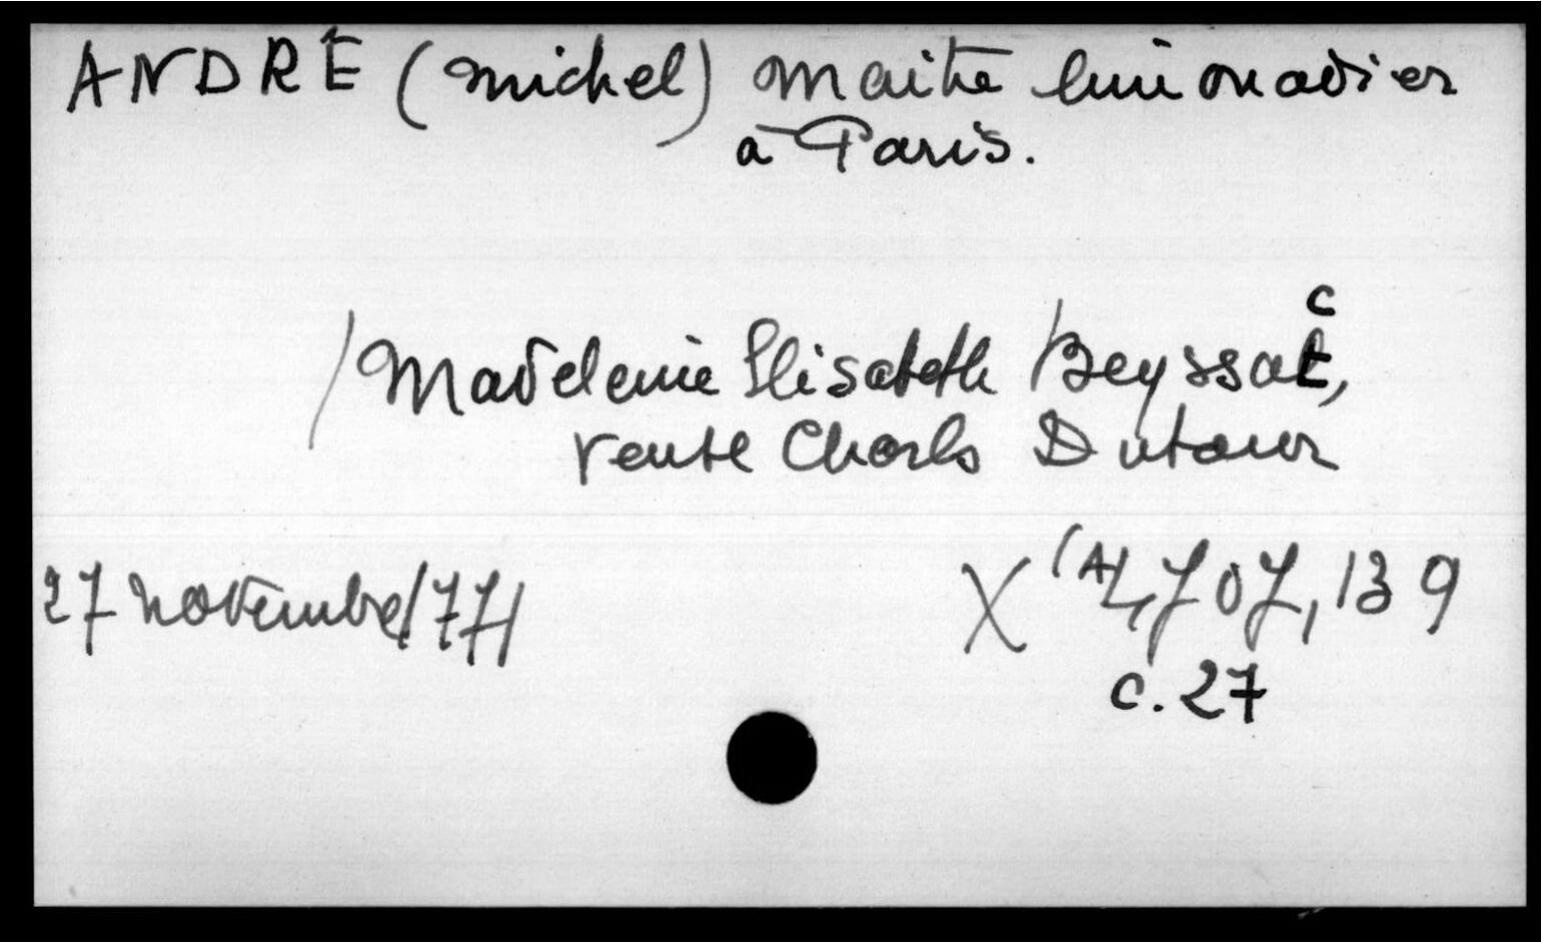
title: ANDRÉ (Michel) maître limonadier à Paris.
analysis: Conte Madeleine Élisabeth Beyssac, veuve Charles Dutour
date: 27 novembre 1771
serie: X1A
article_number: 4707
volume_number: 139 Conseil, 27
